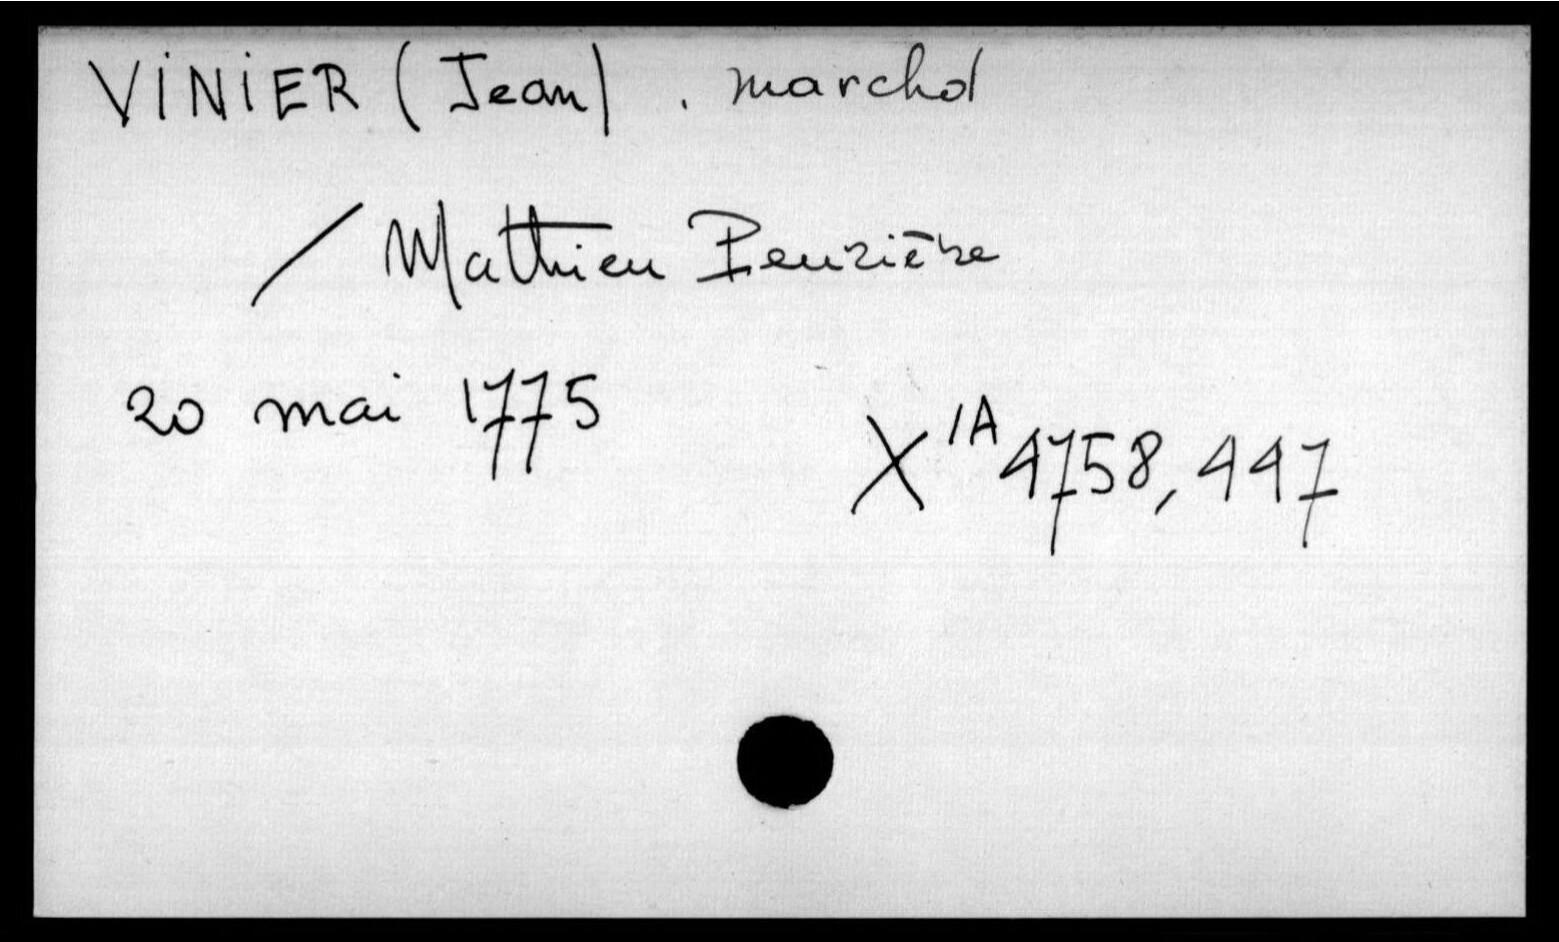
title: VINIER (Jean) marchand
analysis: Contre Mathieu Peurière
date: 20 mai 1775
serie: X1A
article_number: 4758
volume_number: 447
